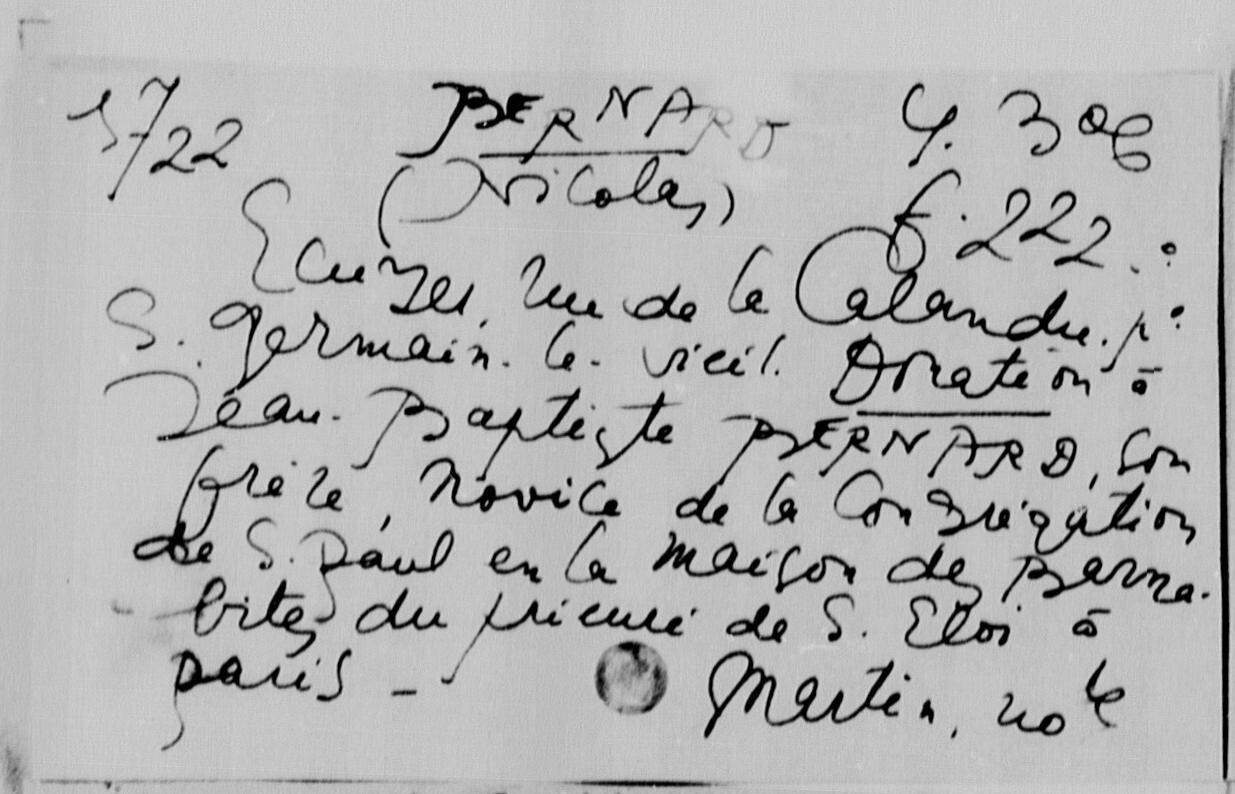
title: BERNARD (Nicolas)
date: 1722
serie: Y
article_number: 306
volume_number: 222v
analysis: Écuyer, rue de la Calandre, paroisse Saint-Germain-le-Vieil. Donation à Jean-Baptiste BERNARD, son frère, novice de la Congrégation de Saint-Paul en la maison des Barnabites du prieuré de Saint-Éloi à Paris. Martin, notaire
